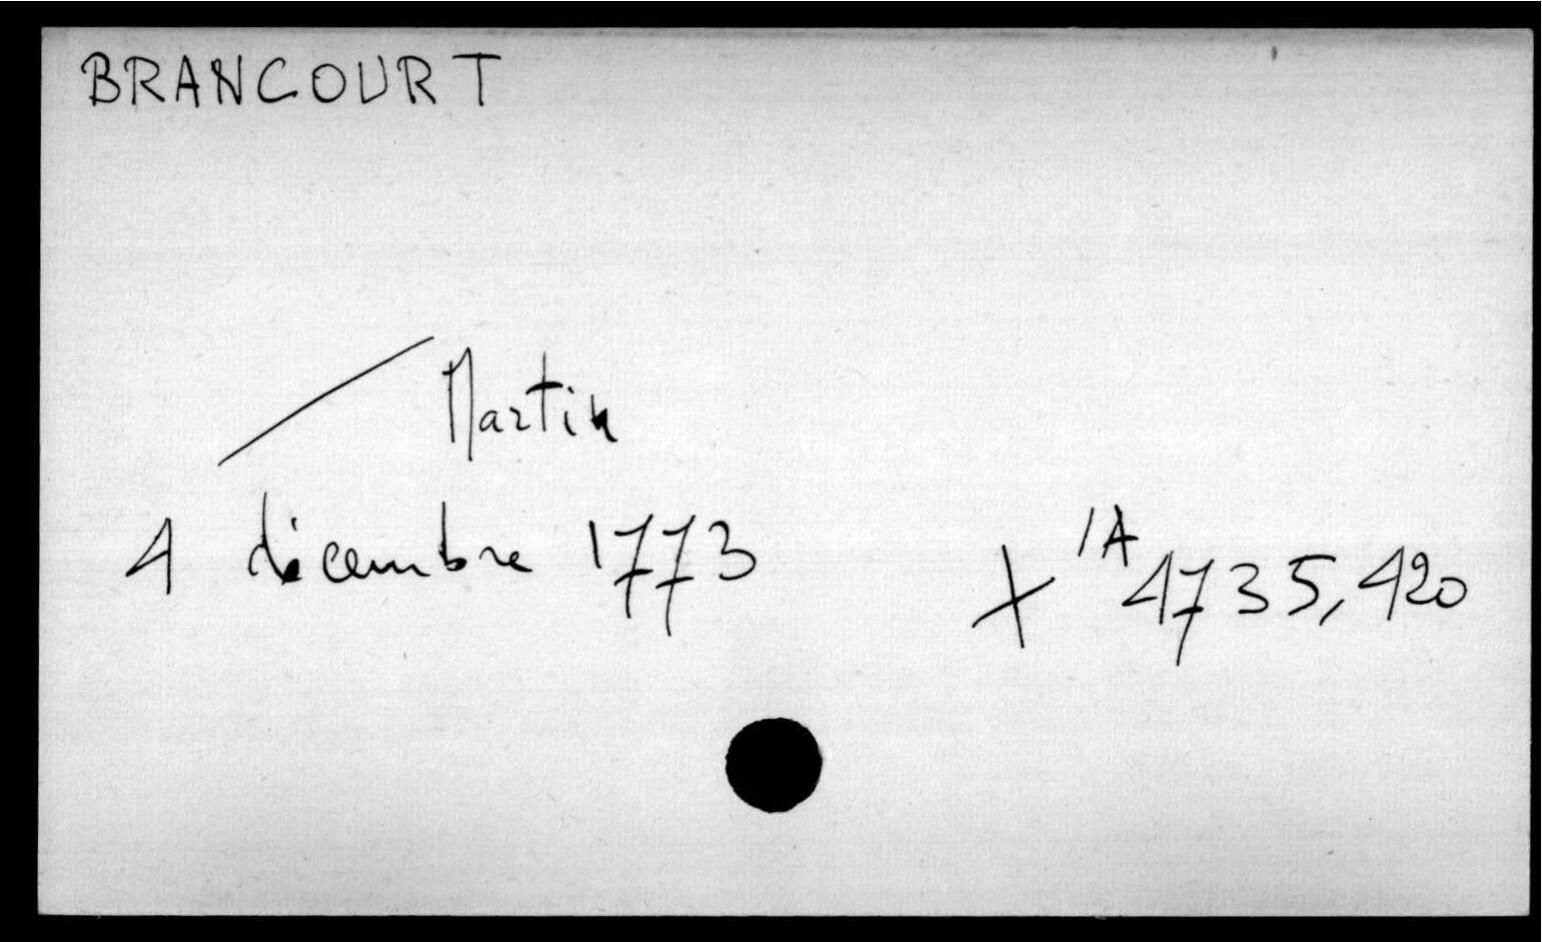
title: BRANCOURT
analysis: Contre Martin
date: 4 décembre 1773
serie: X1A
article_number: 4735
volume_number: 420
